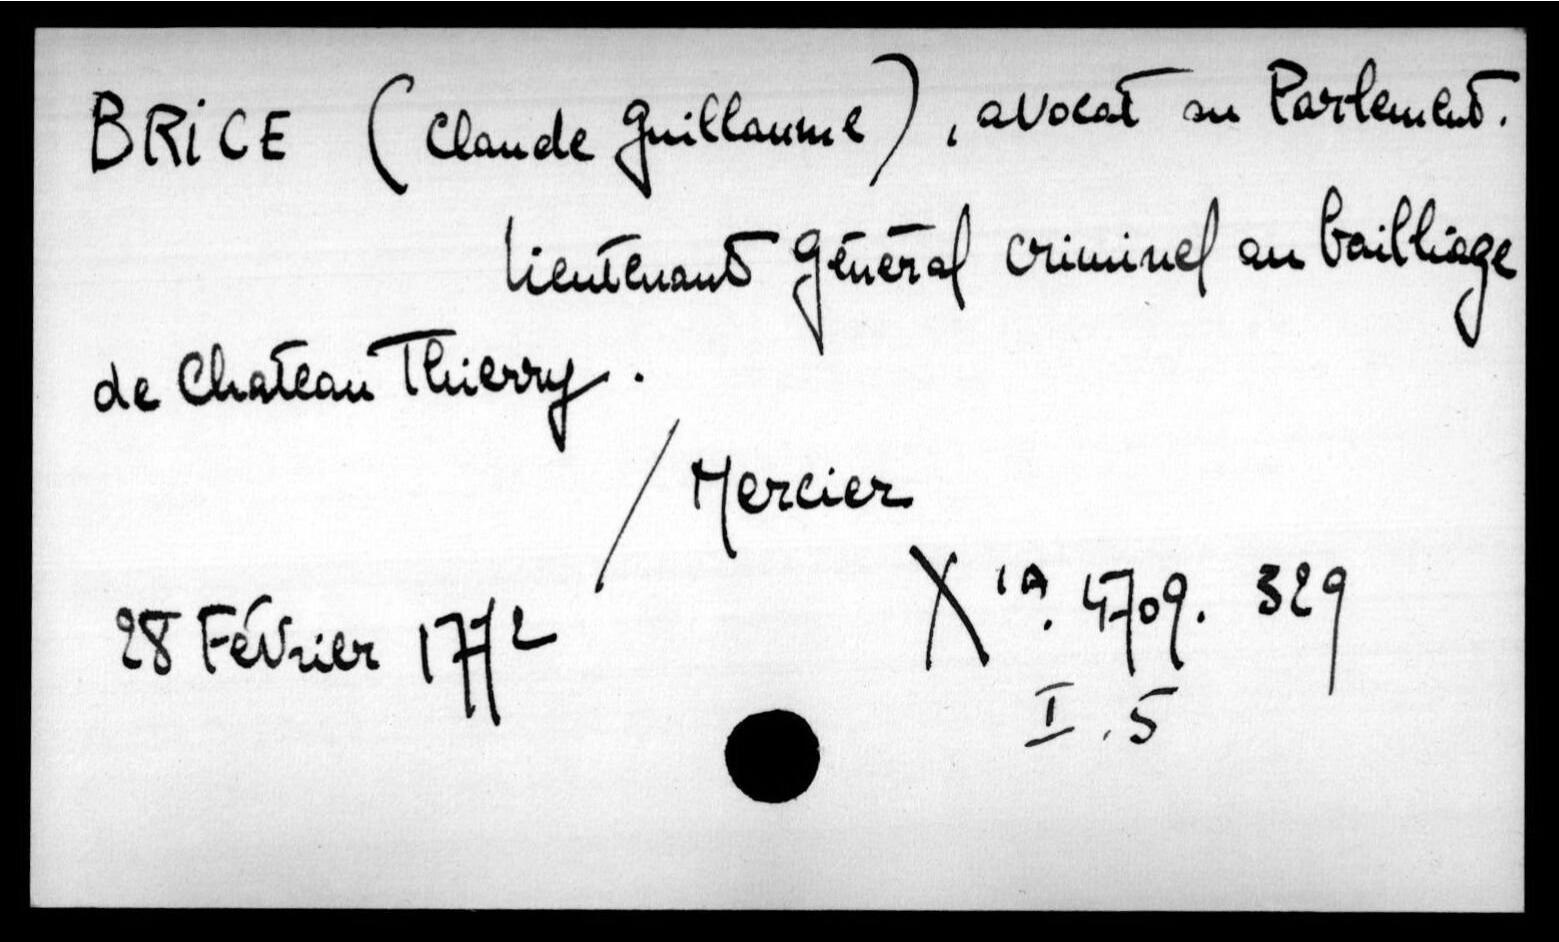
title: BRICE (Claude Guillaume), avocat au Parlement. Lieutenant général criminel au bailliage de Château Thierry
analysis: Contre Mercier
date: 28 février 1772
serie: X1A
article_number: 4709
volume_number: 329 Instances 5
